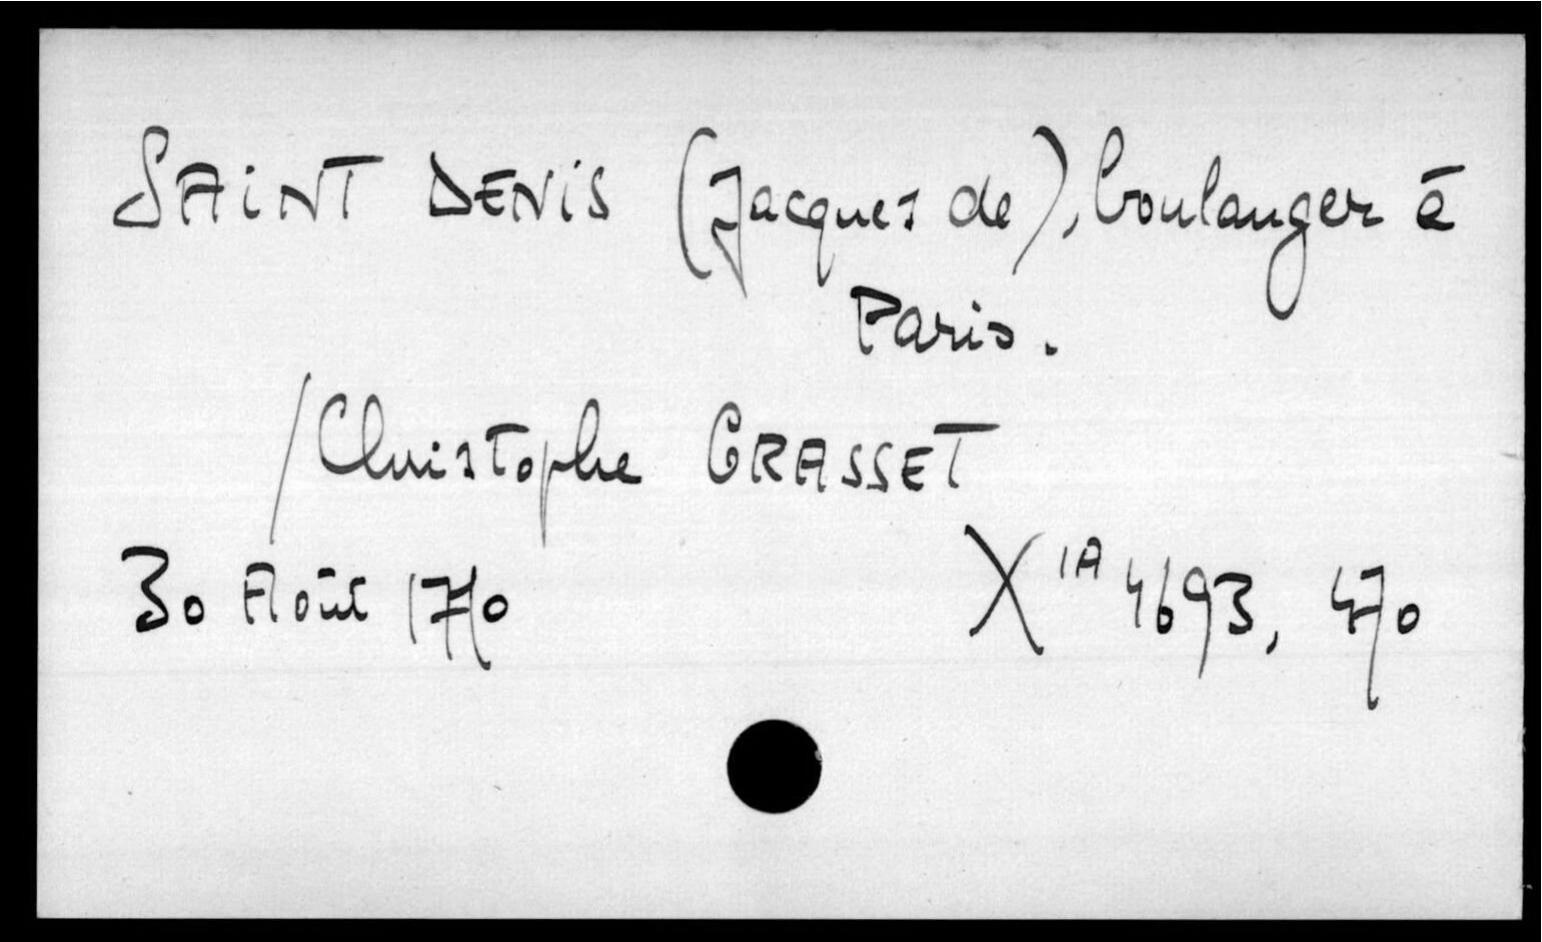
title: SAINT DENIS (Jacques de), boulanger à Paris.
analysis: Contre Christophe GRASSET
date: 30 août 1770
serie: X1A
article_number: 4693
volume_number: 470
